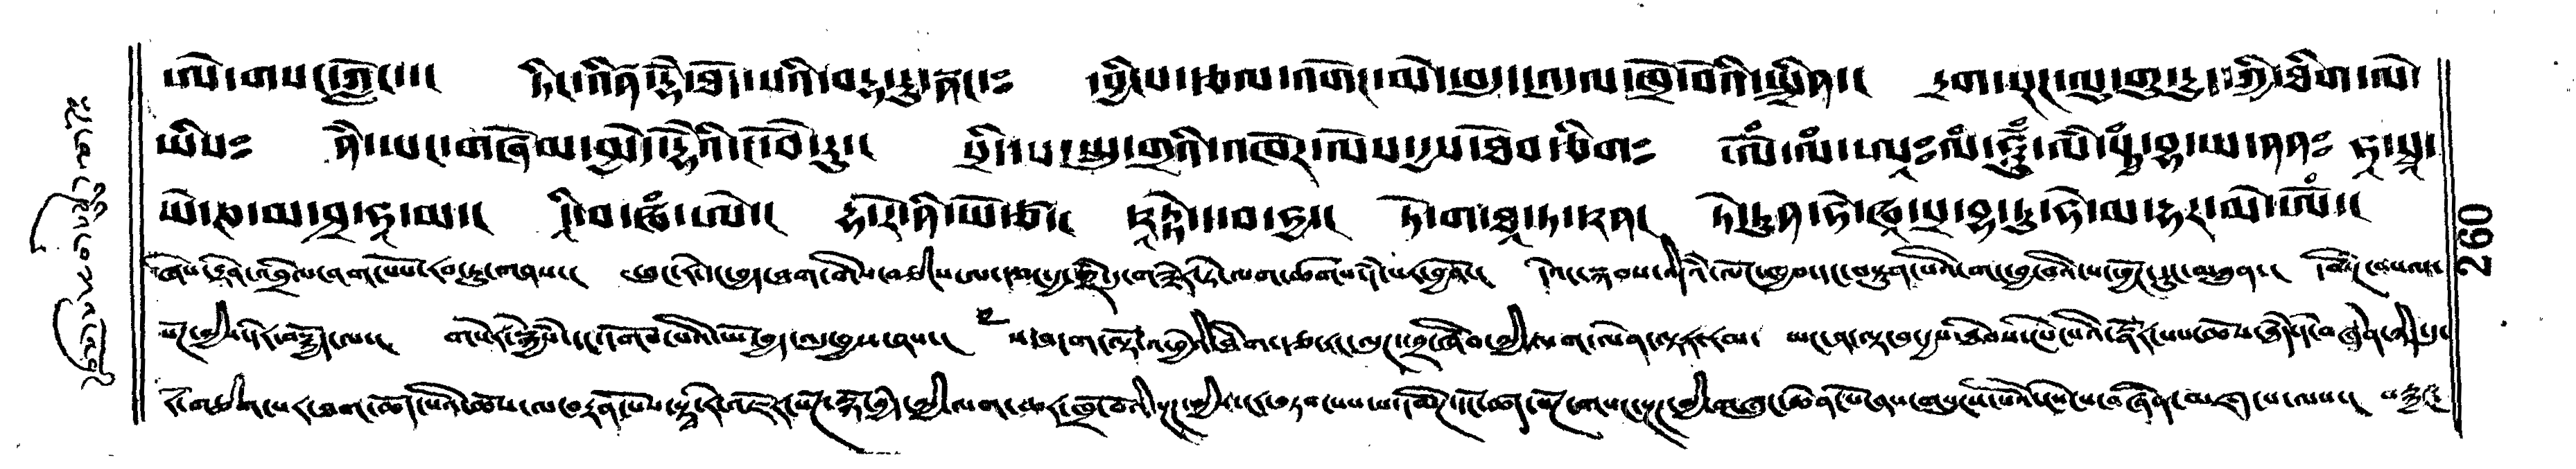ཨེ་གསང་ཀློངཿ ཏིང་འཛིན་རྡོ་རྗེ་ཐོད་པའི་བརྡ་རུ་སྣངཿ དབྱིངས་རྩལ་འགག་མེད་བདུད་འདུལ་ཁྲོ་བོའི་སྤྲིནཿ དྲག་སྔགས་ལུ་གུ་རྒྱུད་ཀྱི་ཐིག་ལེ་
ཡིསཿ ནམ་ཡང་གཞོམ་མེད་རྡོ་རྗེའི་ངོ་བོ་རུཿ སྲིད་པ་སྤུ་གྲིའི་འཁོར་ལོས་རྒྱས་ཐོབ་ཅིགཿ ཨོཾ་ལཾ་ཨཱཿལཾ་ཧཱུྃ་ལམ་སྟྭཾ་བྷ་ཡ་ནནཿ ཧཱ་སྭ་
ཡེ་ཎ་མ་ཤྲ་ཧཱ་མཿ དཱི་བ་ཝཾ་ཨེཿ དྷ་རོ་ནི་ཡོ་ཙཿ རཱཏྟཻ་ད་བ་ཧྱཿ ཏེ་ག་ཐཱ་ཏ་རནཿ ཏེ་ཏུན་ཏེ་ཝཱ་པྲ་བྷ་ཏུ་ཧེ་མ་དྷར་མེ་ཨོཾཿ 
ཞེས་རྟེན་འབྲེལ་ནག་པོས་རབ་ཏུ་གནས། ཕུང་རེ་དང་བྱད་ཐག་གིས་བཅིངས་ལ་རྩང་རྒྱ་གྲམ་དུ་གཟེར་ཏེ་ལག་ཚགས་དམ་པར་བྱའོ།། དེའང་སྐབས་འདིའམ་ལོང་ཁྱབ་དང་བསྟུན་པའི་གང་བྱ་བའི་ས་ཕྱོགས་རུང་མཐུན་ དམིགས་བསལ་
སོགས་ཀྱིས་དེར་བསྐྱོད་ལ། གསེར་སྐྱེམས་དང་དགོས་པའི་ཡོ་བྱད་འདུ་བྱས་ནས། ས་བདག་ལྟོ་ཕྱེའི་ཐིག་རྩ་རང་ལུགས་ཕྲ་ཞིབ་ཀྱི་ལག་ལེན་ལྟར་རམ། ཡང་ན་ལྟ་བ་རྒྱས་ཐེབས་ངེས་པའི་རྣལ་འབྱོར་པས་ཆོས་ཐམས་ཅད་དེ་བཞིན་ཉིད་དུ་
རོ་གཅིག་པར་ཐག་ཆོད་པའི་ཆོས་ལ་བརྟན་པོས་སྟྭ་རེ་འཇོར་སོགས་སྒོ་བྱེད་ཀྱི་ལག་ཆར་ཁྲོ་བོའི་སྔགས་ཀྱིས་ངར་བཏབ་པས་ས་དམིགས་དོང་ཚད་སོགས་གསང་སྔགས་ཀྱི་གཞུང་ཆེན་པོ་ནས་གསུངས་པའི་ངེས་པ་བཞིན་མཛད་པ་ལས། བརྐྱང་